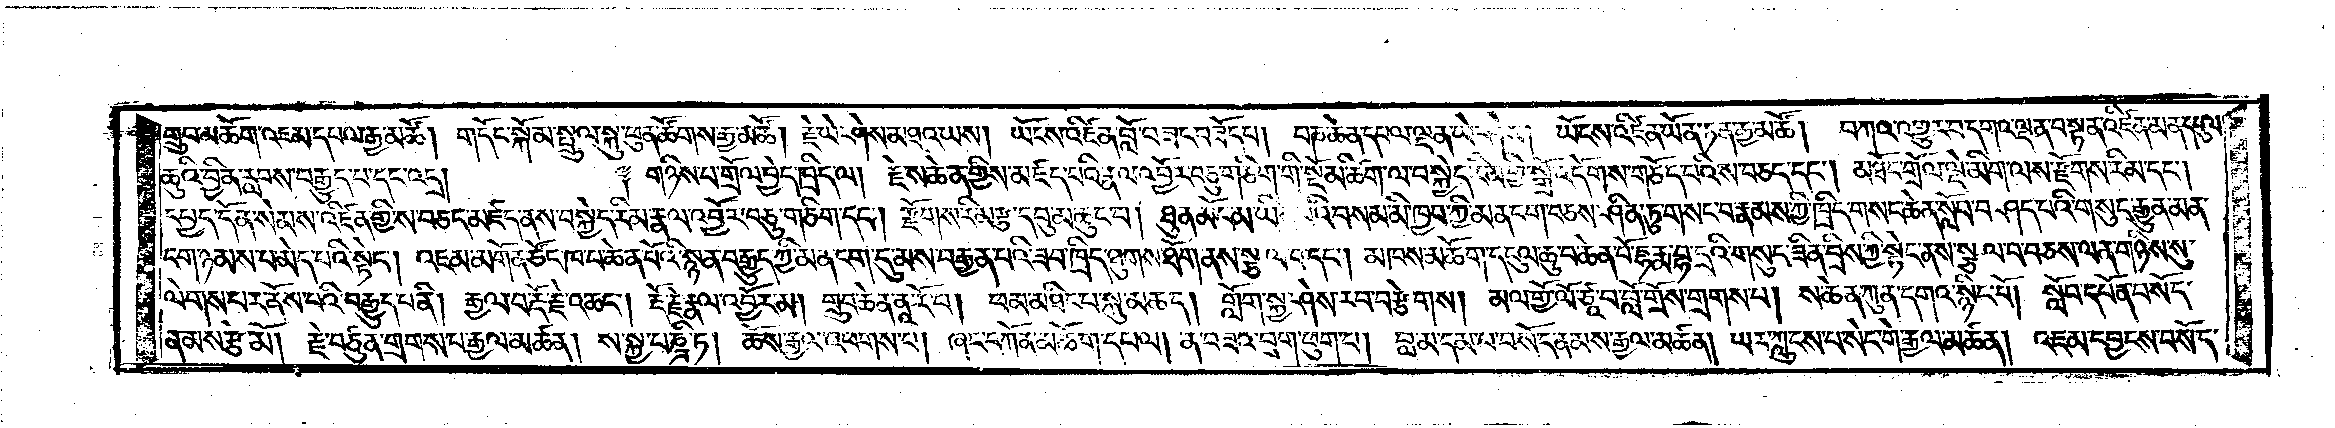གྲུབ་མཆོག་འཇམ་དཔལ་རྒྱ་མཚོ། གདོང་སྐོམ་སྤྲུལ་སྐུ་ཕུན་ཚོགས་རྒྱ་མཚོ། རྗེ་ཡེ་ཤེས་མཐའ་ཡས། ཡོངས་འཛིན་བློ་བཟང་བཟོད་པ། པཎ་ཆེན་དཔལ་ལྡན་ཡེ་ཤེས། ཡོངས་འཛིན་ཡོན་ཏན་རྒྱ་མཚོ། བཀའ་འགྱུར་བ་དགའ་ལྡན་བསྟན་འཛིན་མན་དངུལ་
རྒྱུའི?་བྱིན་རླབས་བརྒྱུད་པ་དང་འདྲ། འ་གཉིས་པ་གྲོལ་བྱེད་ཁྲིད་ལ། རྗེས་ཆེན་གྱིས་མཛད་པའི་རྣལ་འབྱོར་བཅུ་གཅིག་གི་སྡོམ་ཚིག་ལ་བསྐྱེད་རིམ་གྱི་སྒྲོ་འདོགས་གཅོད་པའི་ས་བཅད་དང་། མཐོང་གྲོལ་ལྡེ་མིག་ལས་རྫོགས་རིམ་དང་།
དཔྱད་དོན་སེམས་འཛིན་གྱི་ས་བཅད་མཛད་ནས་བསྐྱེད་རིམ་རྣལ་འབྱོར་བཅུ་གཅིག་དང་། རྫོགས་རིམ་རྩ་དབུ་མ་ཆུང་བ། ཐུན་མོང་མ་ཡིན་པའི་བསམ་མི་ཁྱབ་ཀྱི་མན་ངག་བཅས་ཤིན་ཏུ་གསང་བ་རྣམས་ཀྱི་ཁྲིད་གསང་ཆེན་སློབ་བཤད་པའི་གསུང་རྒྱུན་མན་
ངག་ཉམས་པ་མེད་པའི་སྟེང་། འཇམ་མགོན་ཙོང་ཁ་པ་ཆེན་པོའི་སྙན་བརྒྱུད་ཀྱི་མན་ངག་དུ་མས་བརྒྱན་པའི་ཟབ་ཁྲིད་ཐུགས་ཐོག་ནས་སྩལ་བ་དང་། མཁས་མཆོག་དངུལ་ཆུ་བ་ཆེན་པོ་དྷརྨ་བྷ་དྲའི་གསུང་ཟིན་བྲིས་ཀྱི་སྟེང་ནས་སྩལ་བ་བཅས་ལན་གཉིས་སུ་
ལེགས?་པར་ནོས་པའི་བརྒྱུད་པ་ནི། རྒྱལ་བ་རྡོ་རྗེ་ཆང་། རྡོ་རྗེ་རྣལ་འབྱོར་མ། གྲུབ་ཆེན་ནཱ་རོ་པ། ཕམ་མཐོང་པ་སྐུ་མཆད། གློག་སྐྱ་ཤེས་རབ་བརྩེགས། མལ་གྱོ་ལོ་ཙཱ་བ་བློ་གྲོས་གྲགས་པ། ས་ཆེན་ཀུན་དགའ་སྙིང་པོ། སློབ་དཔོན་བསོད་
ནམས་རྩེ་མོ། རྗེ་བཙུན་གྲགས་པ་རྒྱལ་མཚན། ས་སྐྱ་པཎྜི་ཏ། ཆོས་རྒྱལ་འཕགས་པ། ཞང་དཀོན་མཆོག་དཔལ། ན་བཟའ་བུག་ཕུག་པ། བླ་མ་དམ་པ་བསོད་ནམས་རྒྱལ་མཚན། ཡར་ཀླུངས་པ་སེང་གེ་རྒྱལ་མཚན། འཇམ་དབྱངས་བསོད་